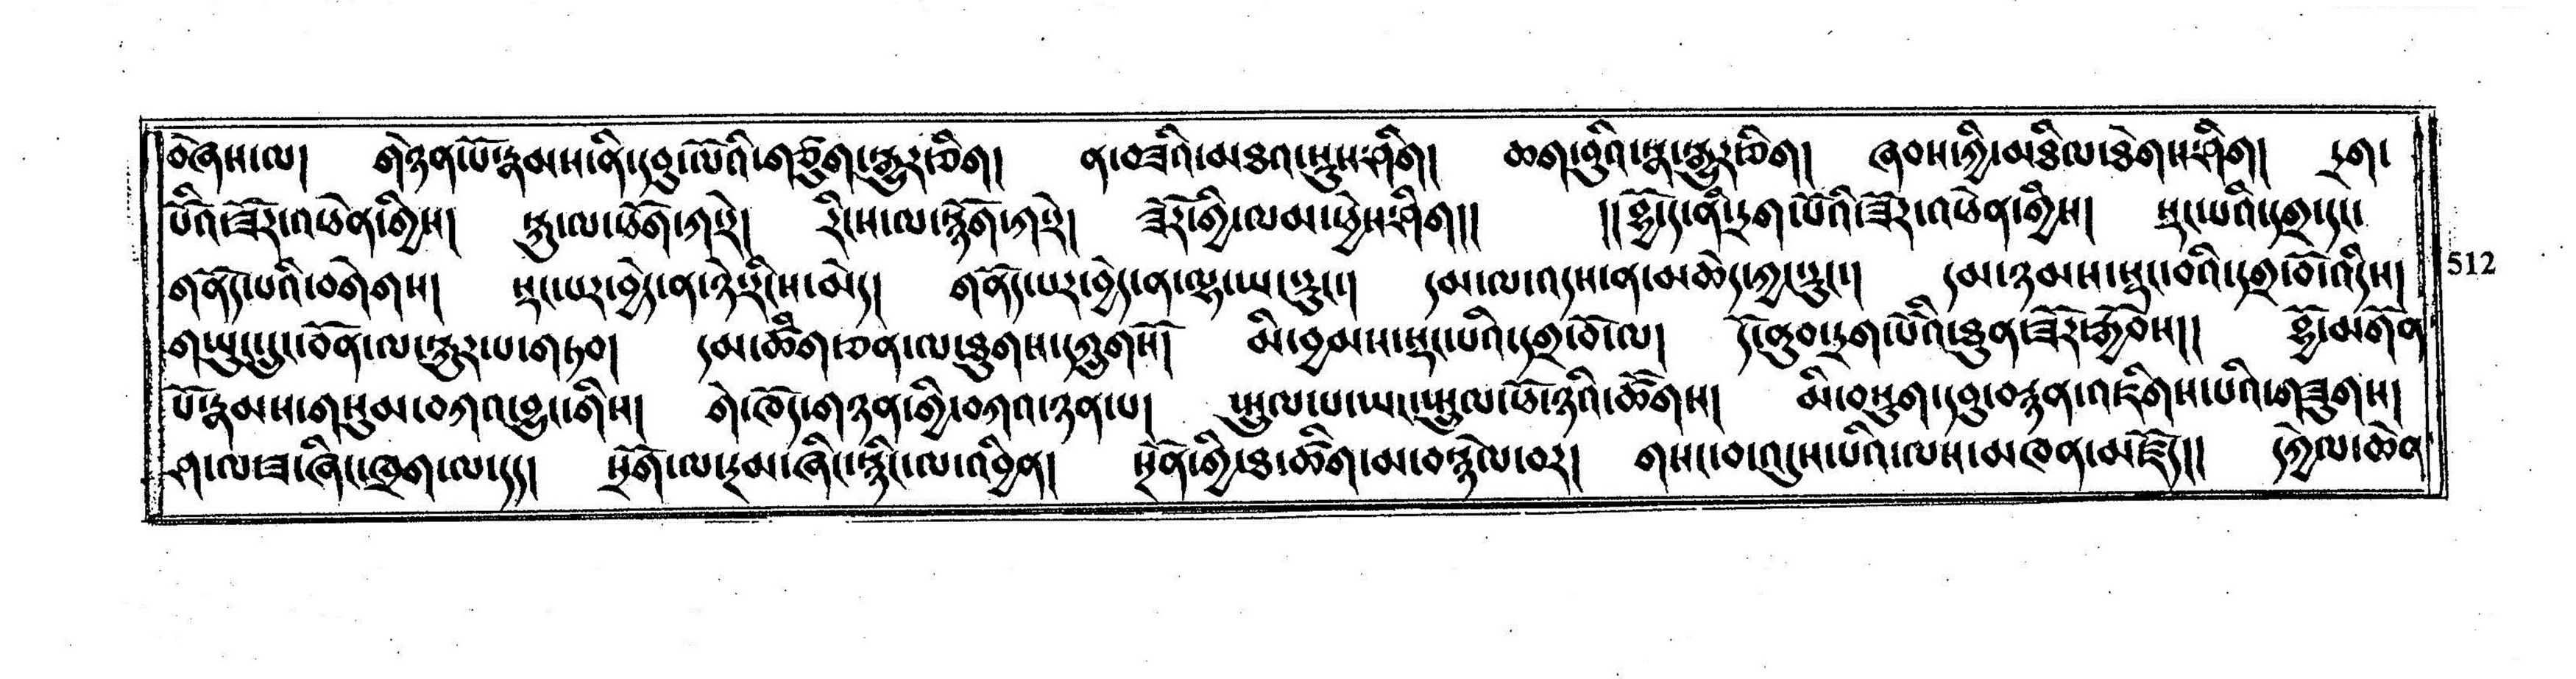བཞེས་ལ། གཉེན་པོ་རྣམས་ནི་དབུ་ལོའི་གཙུག་སྒྱུར་ཅིག ན་བཟའི་མཐའ་སྡུས་ཤིག ཆག་བུའི་སྣ་སྒྱུར་ཅིག ཞབས་ཀྱི་མཐིལ་ཐེགས་ཤིག དྲག་
པོའི་ཟོར་འཕེན་གྱིས། སྐུ་ལ་ཕོག་ཀ་རེ། རིངས་ལ་སྙོག་ཀ་རེ། ཟོར་གྱི་ལམ་ཕྱེས་ཤིག །།།།བྷྱོ་ད་ནི་དྲག་པོའི་ཟོར་འཕེན་གྱིས། སྡང་པའི་དགྲ་དང་
གནོད་པའི་བགེགས། སྡང་པར་བྱེད་ན་ཉེ་རིངས་མེད། གནོད་པར་བྱེད་ན་ལྷ་ཡང་རུང་། དམ་ལ་{527}འདས་ན་མཆེད་ཀྱང་རུང་། དམ་ཉམས་སྡང་བའི་དགྲ་བོ་འདིས། 
གཡུང་དྲུང་བོན་ལ་སྐུར་པ་གཏབ། དམ་ཚིག་ཅན་ལ་ཐུགས་དཀྲུགས་སོ། མི་བྱམས་སྡང་པའི་དགྲ་བོ་ལ། དོ་ནུབ་དྲག་པོའི་ཐུན་ཟོར་རྒྱོབས།། བྷྱོ་མགོན་
པོ་རྣམས་གསུམ་བཀའ་བྱུང་གིས། གེ་ཁོད་གཉན་གྱི་བཀའ་ཉན་པ། སྤྲུལ་པ་ཡང་སྤྲུལ་ཕོ་ཉའི་ཚོགས། མི་བསྡུག་དབུ་བརྙན་འཇིགས་པའི་གཟུགས། 
ཤ་ལ་ཟ་ཞིང་ཁྲག་ལ་དད། སྲོག་ལ་རྔམ་ཞིང་སྙིང་ལ་འབྱིན། སྔོན་གྱི་ཐ་ཚིག་མ་བསྙེལ་བར། གསང་བ་འདུས་པའི་ལས་མཁན་མཛོད།། དཀྱེལ་ཆེན་